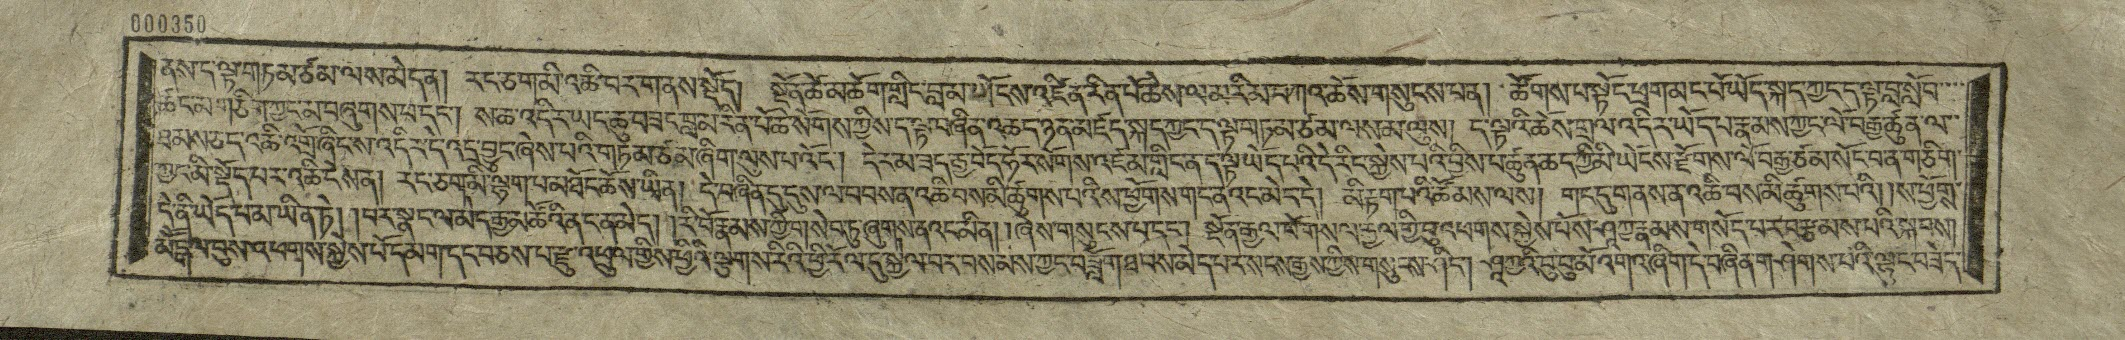ནས་ད་ལྟ་གཏམ་ཙམ་ལས་མེད་ན། རང་ཅག་མི་འཆི་བར་ག་ནས་སྡོད། སྔོན་ཚེ་མཆོག་གླིང་བླ་མ་ཡོངས་འཛིན་རིན་པོ་ཆེས་ལམ་རིམ་བཀའ་ཆོས་གསུངས་པ་ན། ཚོགས་པ་སྟོང་ཕྲག་མང་པོ་ཡོད་སྐད་ཀྱང་ད་ལྟ་བླ་སློབ་
ཚང་མ་གཅིག་ཀྱང་མ་བཞུགས་པ་དང་། ས་ཆ་འདིར་ཡང་ཆུ་བཟང་བླ་མ་རིན་པོ་ཆེ་སོགས་ཀྱིས་ད་ལྟ་བཞིན་འཆད་ཉན་མཛད་སྐད་ཀྱང་ད་ལྟ་གཏམ་ཙམ་ལས་མ་ལུས། ད་ལྟའི་ཆོས་གྲལ་འདིར་ཡོད་པ་རྣམས་ཀྱང་ལོ་བརྒྱ་ཚུན་ལ་
ཐམས་ཅད་འཆི་འགྲོ་ཞིང་ས་འདིར་དེ་འདྲ་བྱུང་ཞེས་པའི་གཏམ་ཙམ་ཞིག་ལུས་པ་འོང་། དེར་མ་ཟད་རྒྱ་བོད་ཧོར་སོགས་འཛམ་གླིང་ན་ད་ལྟ་ཡོད་པའི་དེ་རིང་སྐྱེས་པའི་བྱིས་པ་ཚུན་ཆད་ཀྱི་མི་ཡོངས་རྫོགས་ལོ་བརྒྱ་ཙམ་སོང་བ་ན་གཅིག་
ཀྱང་མི་སྡོད་པར་འཆི་ངེས་ན། རང་ཅག་མི་ལྷག་པ་མཐོང་ཆོས་ཡིན། དེ་བཞིན་དུ་དུས་ལ་བབས་ན་འཆི་བས་མི་ཚུགས་པའི་ས་ཕྱོགས་གང་ནའང་མེད་དེ། མི་རྟག་པའི་ཚོམས་ལས། གང་དུ་གནས་ན་འཆི་བས་མི་ཚུགས་པའི། །ས་ཕྱོགས་
དེ་ནི་ཡོད་པ་མ་ཡིན་ཏེ། །བར་སྣང་ལ་མེད་རྒྱ་མཚོའི་ནང་ན་མེད། །རི་བོ་རྣམས་ཀྱི་གསེབ་ཏུ་ཞུགས་ནའང་མིན། །ཞེས་གསུངས་པ་དང་། སྔོན་རྒྱལ་པོ་གསལ་རྒྱལ་གྱི་བུ་འཕགས་སྐྱེས་པོས་ཤཱཀྱ་རྣམས་གསོད་པར་བརྩམས་པའི་སྐབས།
མཽངྒལ་བུས་འཕགས་སྐྱེས་པོ་དམག་དང་བཅས་པ་རྫུ་འཕྲུལ་གྱིས་ཕྱིའི་ལྕགས་རིའི་ཕྱི་རོལ་དུ་སྐྱེལ་བར་བསམས་ཀྱང་བཟློག་ཐབས་མེད་པར་སངས་རྒྱས་ཀྱིས་གསུངས་ཤིང་། ཤཱཀྱའི་བུ་བུ་མོ་འགའ་ཞིག་དེ་བཞིན་གཤེགས་པའི་ལྷུང་བཟེད་